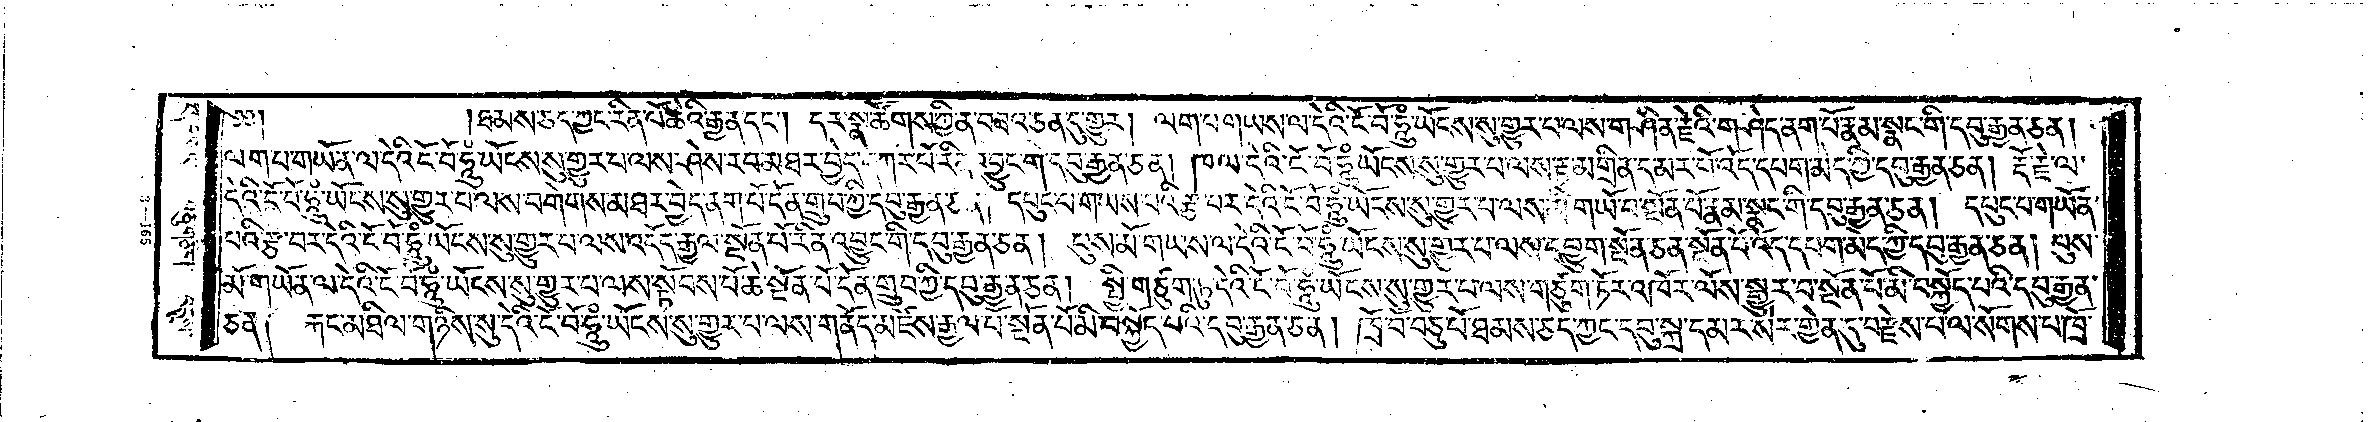༄༅། །ཐམས་ཅད་ཀྱང་རིན་པོ་ཆེའི་རྒྱན་དང་། དར་སྣ་ཚོགས་ཀྱི་ན་བཟའ་ཅན་དུ་གྱུར། ལག་པ་གཡས་ལ་དེའི་ངོ་བོ་ཧཱུཾ་ཡོངས་སུ་གྱུར་པ་ལས་གཤིན་རྗེའི་གཤེད་ནག་པོ་རྣམ་སྣང་གི་དབུ་རྒྱན་ཅན།
ལག་པ་གཡོན་ལ་དེའི་ངོ་བོ་ཧཱུཾ་ཡོངས་སུ་གྱུར་པ་ལས་ཤེས་རབ་མཐར་བྱེད་དཀར་པོ་རིན་འབྱུང་གི་དབུ་རྒྱན་ཅན། ཁལ་དེའི་ངོ་བོ་ཧཱུཾ་ཡོངས་སུ་གྱུར་པ་ལས་རྟ་མགྲིན་དམར་པོ་འོད་དཔག་མེད་ཀྱི་དབུ་རྒྱན་ཅན། རྡོ་རྗེ་ལ་
དེའི་ངོ་བོ་ཧཱུཾ་ཡོངས་སུ་གྱུར་པ་ལས་བགེགས་མཐར་བྱེད་ནག་པོ་དོན་གྲུབ་ཁྱི་དབུ་རྒྱན་ཅན། དཔུང་པ་གཡས་པའི་རྩ་བར་དེའི་ངོ་བོ་ཧཱུཾ་ཡོངས་སུ་གྱུར་པ་ལས་མི་གཡོ་བ་སྔོན་པོ་རྣམ་སྣང་གི་དབུ་རྒྱན་ཅན། དཔུང་པ་གཡོན་
པའི་རྩ་བར་དེའི་ངོ་བོ་ཧཱུཾ་ཡོངས་སུ་གྱུར་པ་ལས་འདོད་རྒྱལ་སྔོན་པོ་རིན་འབྱུང་གི་དབུ་རྒྱན་ཅན། པུས་མོ་གཡས་ལ་དེའི་ངོ་བོ་ཧཱུཾ་ཡོངས་སུ་གྱུར་པ་ལས་དབྱུག་སྔོན་ཅན་སྔོན་པོ་འོད་དཔག་མེད་ཀྱི་དབུ་རྒྱན་ཅན། བུས་
མོ་གཡོན་ལ་དེའི་ངོ་བོ་ཧཱུཾ་ཡོངས་སུ་གྱུར་པ་ལས་སྟོབས་པོ་ཆེ་སྔོན་པོ་དོན་གྲུབ་ཀྱི་དབུ་རྒྱན་ཅན། སྤྱི་གཙུག་ཏུ་དེའི་ངོ་བོ་ཧཱུཾ་ཡོངས་སུ་གྱུར་པ་ལས་གཙུག་ཏོར་འཁོར་ལོས་སྒྱུར་བ་སྔོན་པོ་མི་བསྐྱོད་པའི་དབུ་རྒྱན་
ཅན། རྐང་མཐིལ་གཉིས་སུ་དེའི་ངོ་བོ་ཧཱུཾ་ཡོངས་སུ་གྱུར་པ་ལས་གནོད་མཛེས་རྒྱལ་པོ་སྔོན་པོ་མི་བསྐྱོད་པའི་དབུ་རྒྱན་ཅན། ཁྲོ་བོ་བཅུ་པོ་ཐམས་ཅད་ཀྱང་དབུ་སྐྲ་དམར་སེར་གྱེན་དུ་རྗེས་པོ་ལ་སོགས་པ་ཁྲོ་